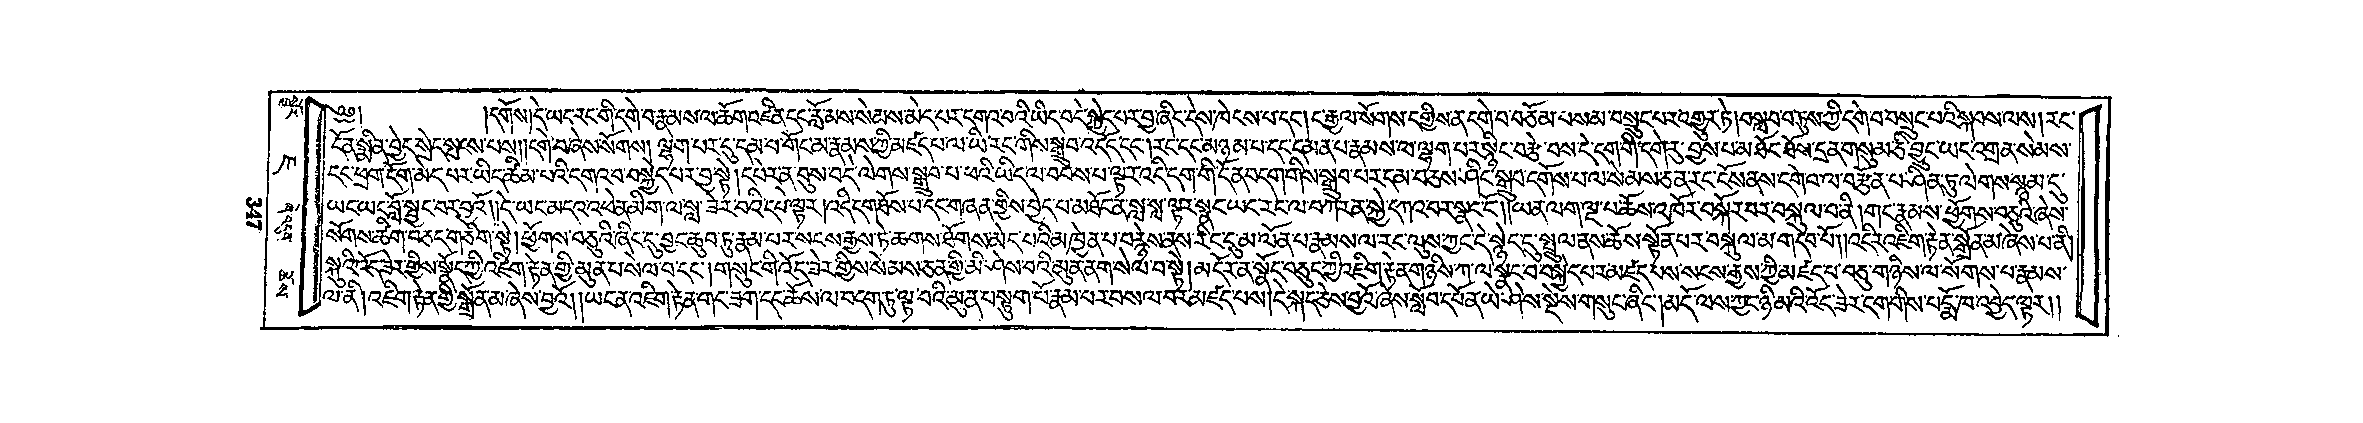༄༅། །དགོས། དེ་ཡང་རང་གི་དགེ་བ་རྣམས་ལ་ཆོག་འཛིན་དང་རློམས་སེམས་མེད་པར་དགའ་བའི་ཡིད་བདེ་སྐྱེད་པར་བྱ་ཞིང་དེས་ཁེངས་པ་དང་། ང་རྒྱལ་སོགས་དགྱིས་ན་དགེ་བ་བཅོམ་པས་མ་བསྲུང་པར་འགྱུར་ཏེ། བསླབ་བཏུས་ཀྱི་དགེ་བ་བསྲུང་པའི་སྐབས་ལས། རང་
དོན་སྨིན་བྱེད་སྲེད་སྤངས་པས། །དགེ་བ་ཞེས་སོགས། ལྷག་པར་དུ་དམ་པ་གོང་མ་རྣམས་ཀྱི་མཛད་པ་ལ་ཡི་རང་གིས་སྒྲུབ་འདོད་དང་། རང་དང་མཉམ་པ་དང་དམན་པ་རྣམས་ལ་ལྷག་པར་སྙིང་བརྩེ་བས་དེ་དག་གི་དགེ་རུ་བྱས་པ་མཐོང་ཐོས་དྲན་གསུམ་ཅི་བྱུང་ཡང་འགྲན་སེམས་
དང་ཕྲག་དོག་མེད་པར་ཡིད་ཚིམ་པའི་དགའ་བ་བསྐྱེད་པར་བྱ་སྟེ། དཔེར་ན་བུས་བདེ་ལེགས་སྒྲུབ་པ་ཕའི་ཡིད་ལ་བབས་པ་ལྟར་འདི་དག་གི་དོན་བདག་གིས་སྒྲུབ་པར་དམ་བཅས་ཤིང་སྒྲུབ་དགོས་པ་ལ་སེམས་ཅན་རང་ངོས་ནས་དགེ་བ་ལ་བརྩོན་པ་ཤིན་ཏུ་ལེགས་སྙམ་དུ་
ཡང་ཡང་བློ་སྦྱང་བར་བྱའོ། །དེ་ཡང་མདའ་འཕེན་མིག་ལ་སླ་ཟེར་བའི་དཔེ་ལྟར། འདི་དག་ཐོས་པ་དང་གཞན་གྱིས་བྱེད་པ་མཐོང་ན་སླ་སླ་ལྟར་སྣང་ཡང་རང་ལ་བཀར་ན་སྐྱེ་དཀའ་བར་སྣང་ངོ། །ཡན་ལག་ལྔ་པ་ཆོས་འཁོར་བསྐོར་བར་བསྐུལ་བ་ནི། གང་རྣམས་ཕྱོགས་བཅུའི་ཞེས་
སོགས་ཚིག་བཅད་གཅིག་སྟེ། ཕྱོགས་བཅུའི་ཞིང་དུ་བྱང་ཆུབ་ཏུ་རྣམ་པར་སངས་རྒྱས་ཏེ་ཆགས་ཐོགས་མེད་པའི་མཁྱེན་པ་བརྙེས་ནས་རིང་དུ་མ་ལོན་པ་རྣམས་ལ་རང་ལུས་ཀྱང་དེ་སྙེད་དུ་སྤྲུལ་ནས་ཆོས་སྟོན་པར་བསྐུལ་མ་གདབ་པོ། །འདིར་འཇིག་རྟེན་སྒྲོན་མ་ཞེས་པ་ནི།
སྐུའི་འོད་ཟེར་གྱིས་སྣོད་ཀྱི་འཇིག་རྟེན་གྱི་མུན་པ་སེལ་བ་དང་། གསུང་གི་འོད་ཟེར་གྱིས་སེམས་ཅན་གྱི་མི་ཤེས་པའི་མུན་ནག་སེལ་བ་སྟེ། མདོར་ན་སྣོད་བཅུད་ཀྱི་འཇིག་རྟེན་གཉིས་ཀ་ལ་སྣང་བ་བསྐྱེད་པར་མཛད་པས་སངས་རྒྱས་ཀྱི་མཛད་པ་བཅུ་གཉིས་ལ་སོགས་པ་རྣམས་
ལ་ནི། འཇིག་རྟེན་གྱི་སྒྲོན་མ་ཞེས་བྱའོ། །ཡང་ན་འཇིག་རྟེན་གང་ཟག་དང་ཆོས་ལ་བདག་ཏུ་ལྟ་བའི་མུན་པ་སྟུག་པོ་རྣམ་པར་བསལ་བར་མཛད་པས། དེ་སྐད་ཅེས་བྱའོ་ཞེས་སློབ་དཔོན་ཡེ་ཤེས་སྡེས་གསུང་ཞིང་། མདོ་ལས་ཀྱང་ཉི་མའི་འོད་ཟེར་དག་གིས་པདམོ་ཁ་འབྱེད་ལྟར། །